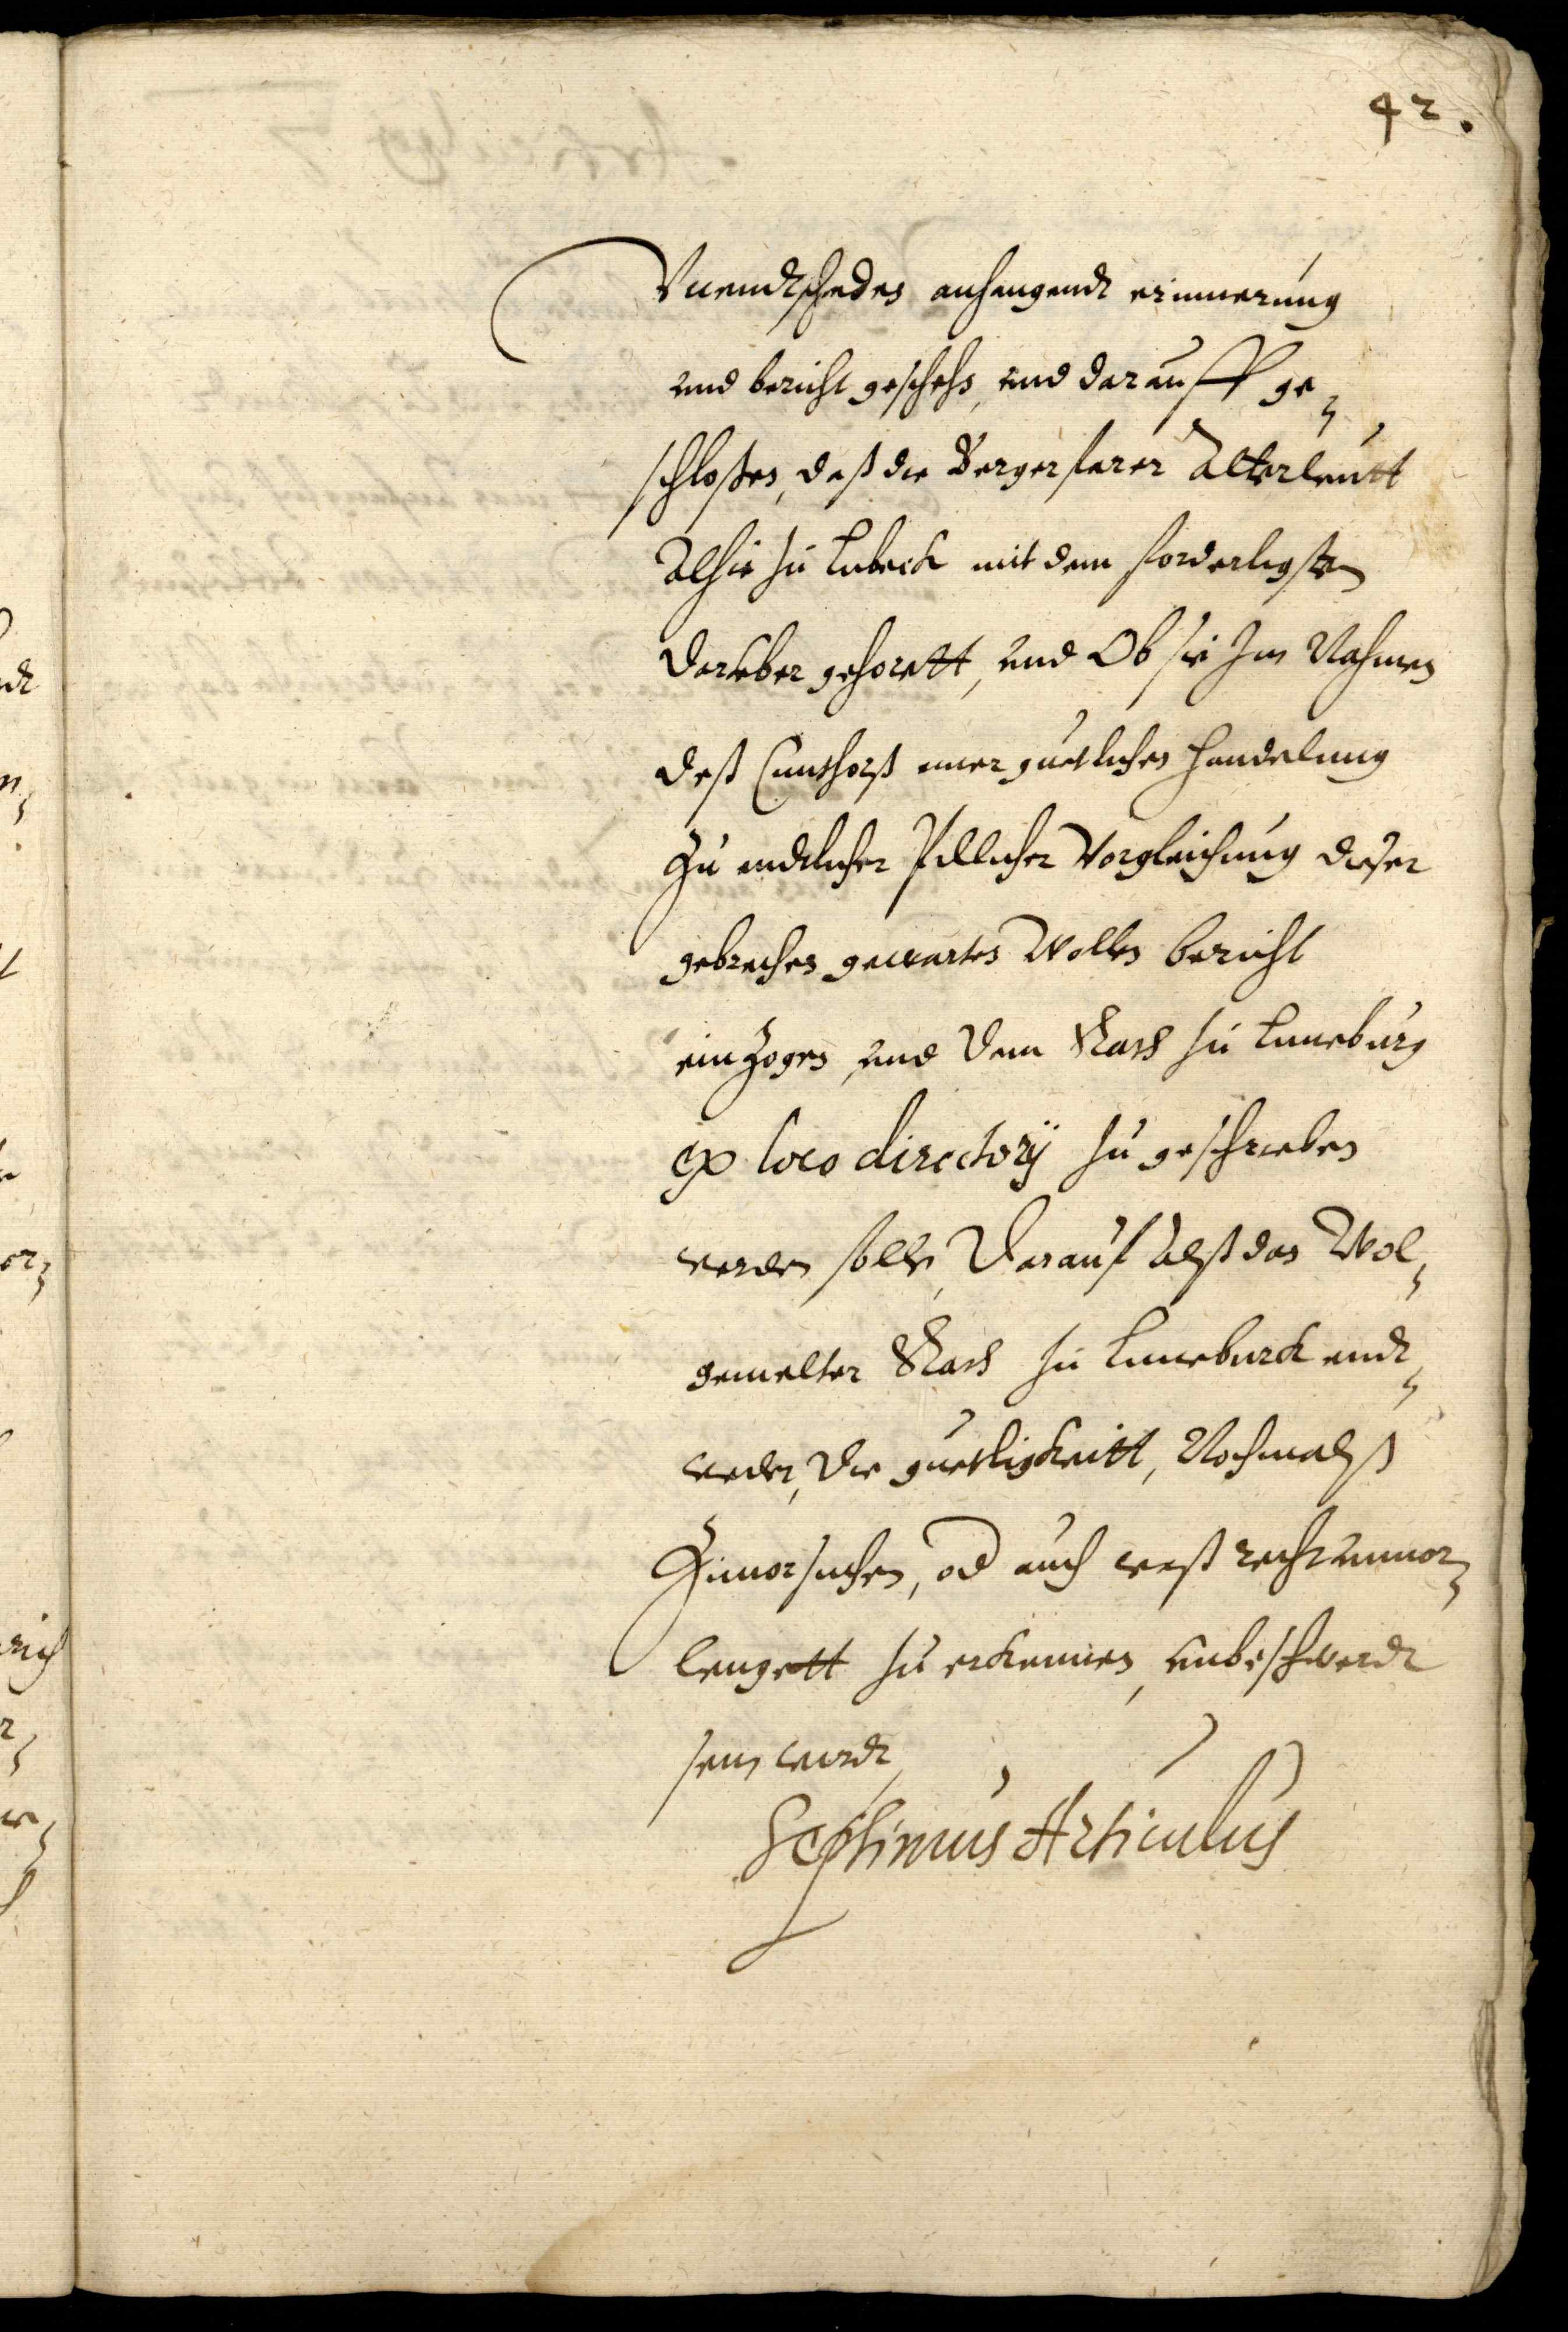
42.
vnendtschieden anhangend erinnerung
vnd bericht geschehen vnd darauff ge¬
schloßen, daß sie Bergenfarer Alterleutt
Alhier zu Lubeck mit dem forderlegsten
darber gehorett, vnd Ob sie Im Nahmen
deß Cunthorß einer guetlichen handelung
zu endlicher pillicher vorgleichung dieser
gebrechen gewarten wollen bericht
einzogen, vnd dem Rath zu Luneburg
ex loco directorij zu geschrieben
werden solle darauf Alß das vol¬
gemelter Rth zu Luneburk end¬
weder, die guetlichkeitt, Nochmalß
zuuor sachen, oder auch weß recht ????
lengett zu erkennen, vnbeschwerdt
sein wirdt,
Septimus Articulus
